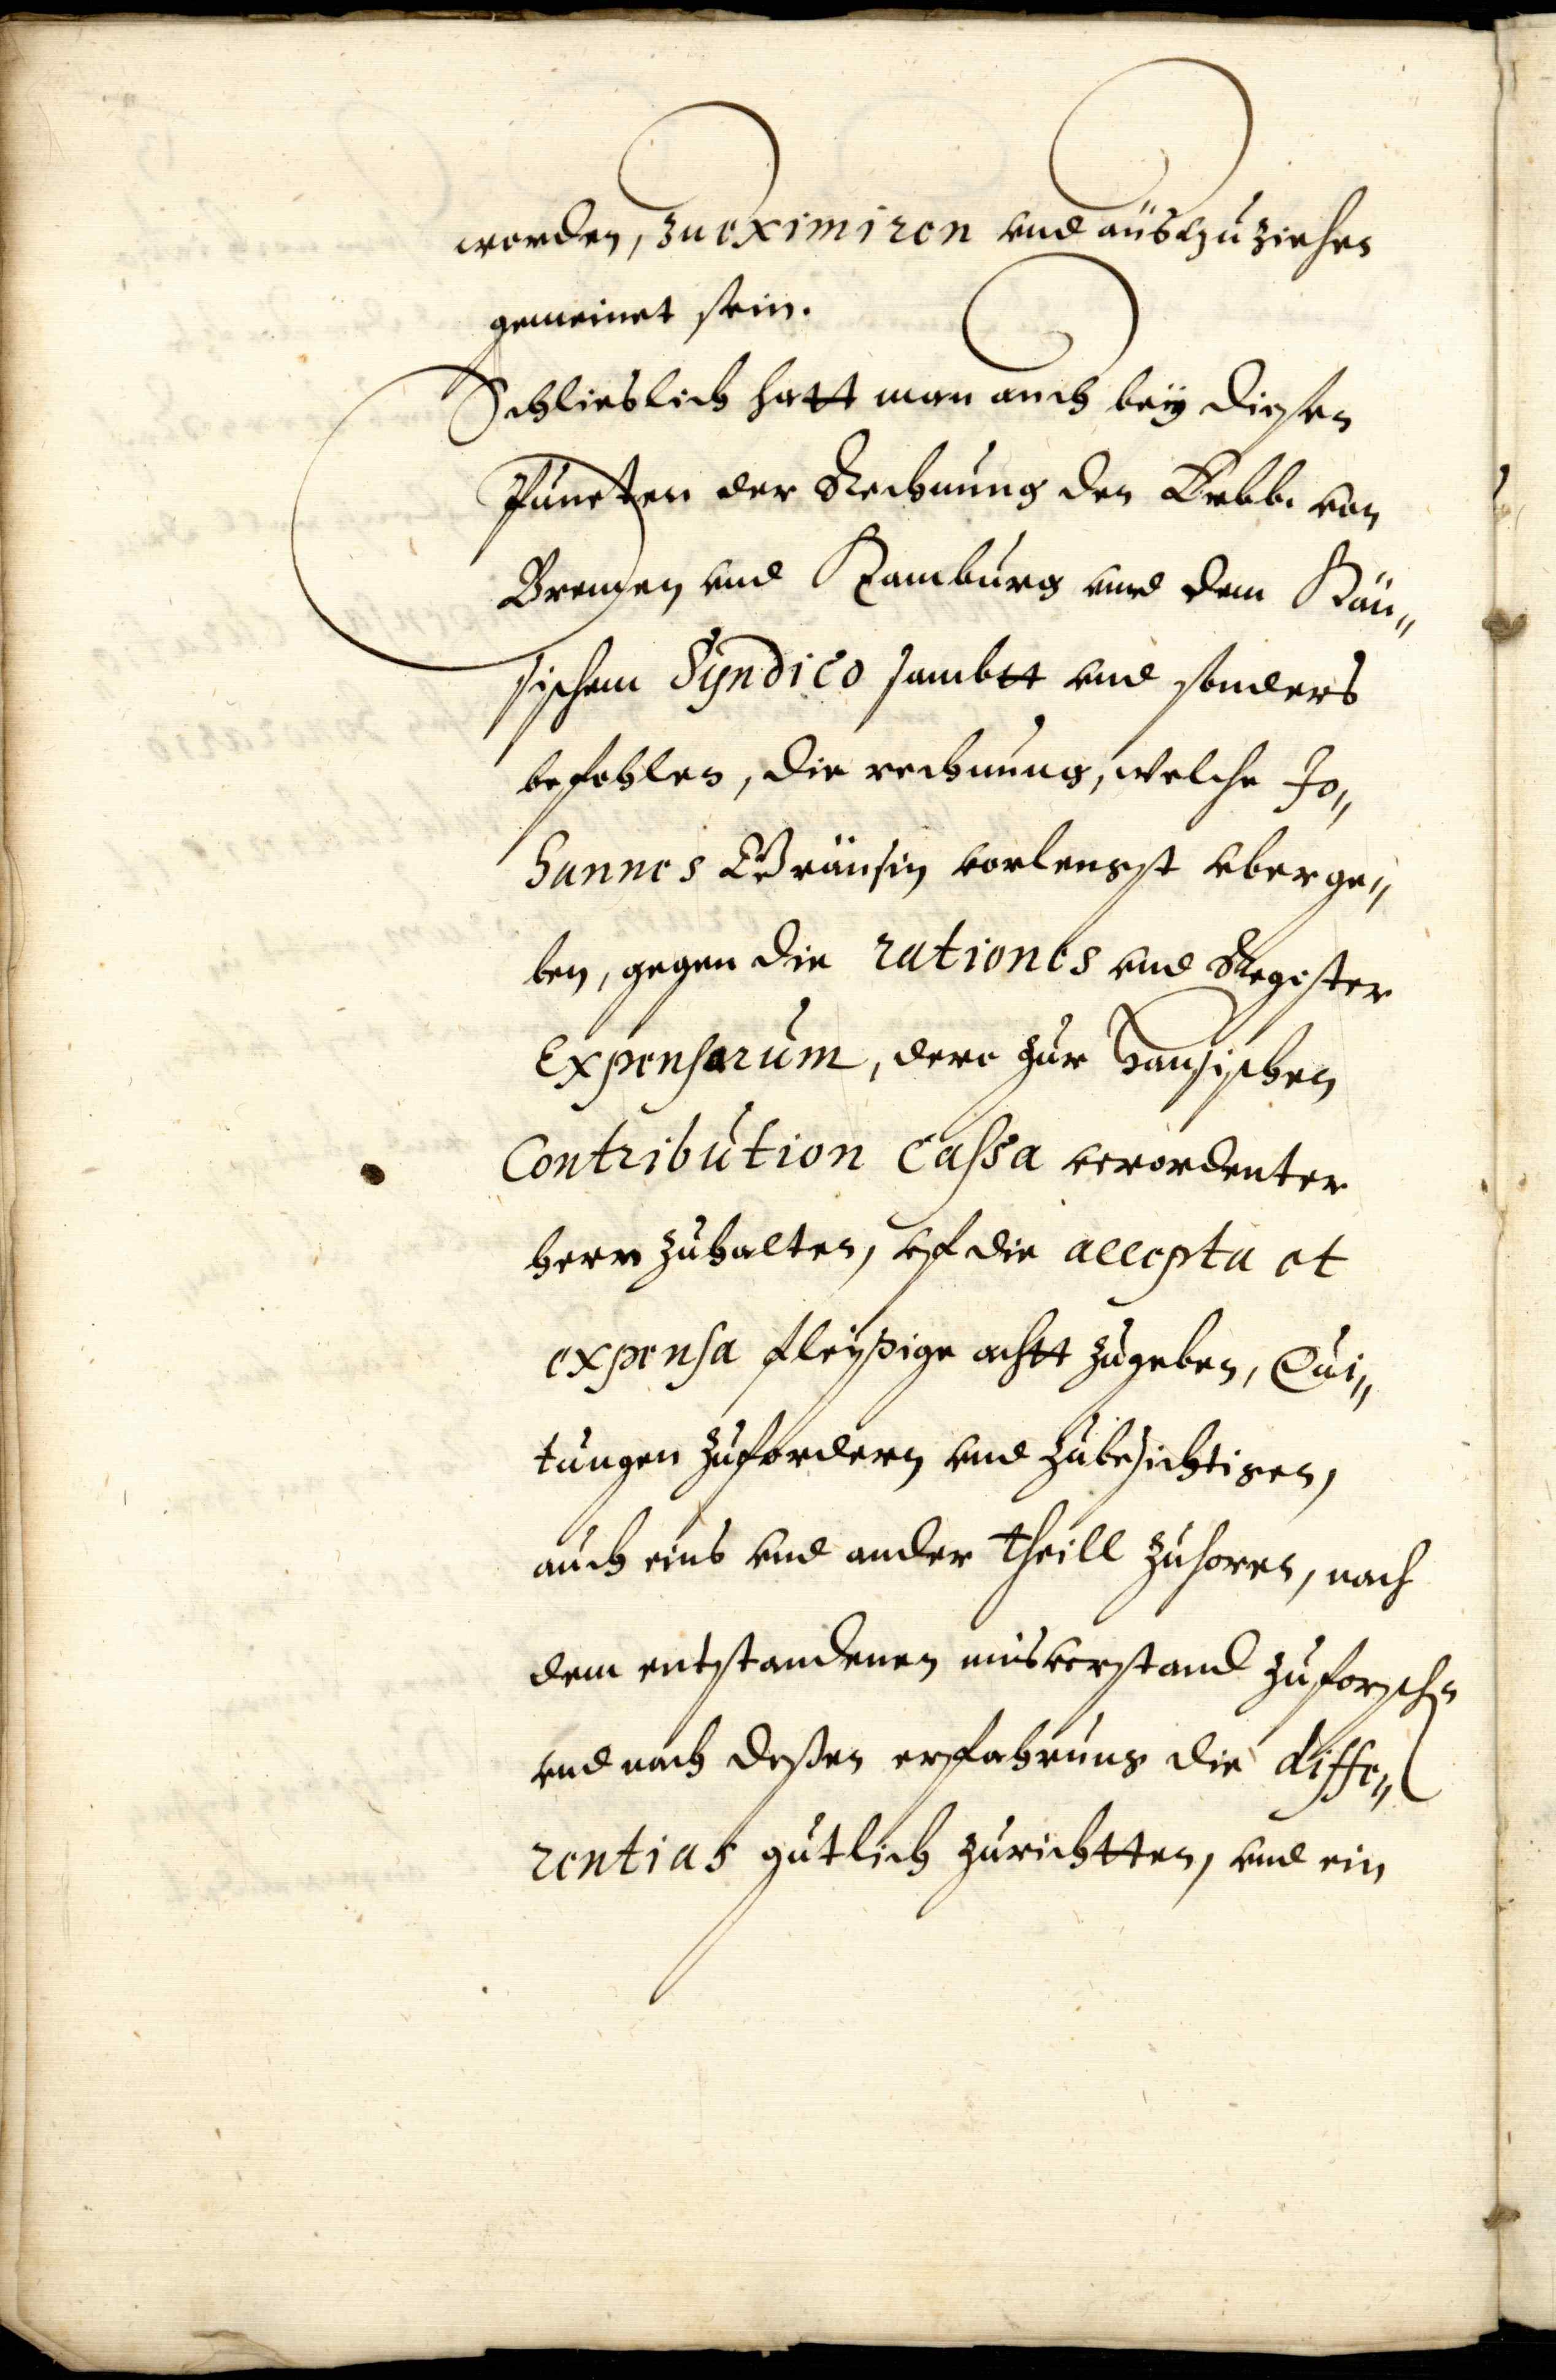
worden, zueximiren vnd aüstzuziehen,
gemeinet sein.
Schlieslich hatt man auch beij diesen
Puncten der Rechnung den Erbb. von
Bremen vnd Hamburg vnd dem Hän¬
sischem Syndico sambtt vnd sonders
befohlen, die rechnung, welche Jo¬
hannes Gränsin vorlengst vberge¬
ben, gegen die rationes vnd Register
Expensarum, dero zur Hansischen
Contribution cassa verordenter
herrn zuhalten, vf die accepta et
expensa fleißige achtt zugeben, qui¬
tungen zufordern vnd zubesichtigen,
auch eins vnd ander theill zuhoren, nach
dem entstandenen misverstand zuforschen
vnd nach deßen erfahrung die diffe¬
rentias gutlich zurichtten, vnd ein
